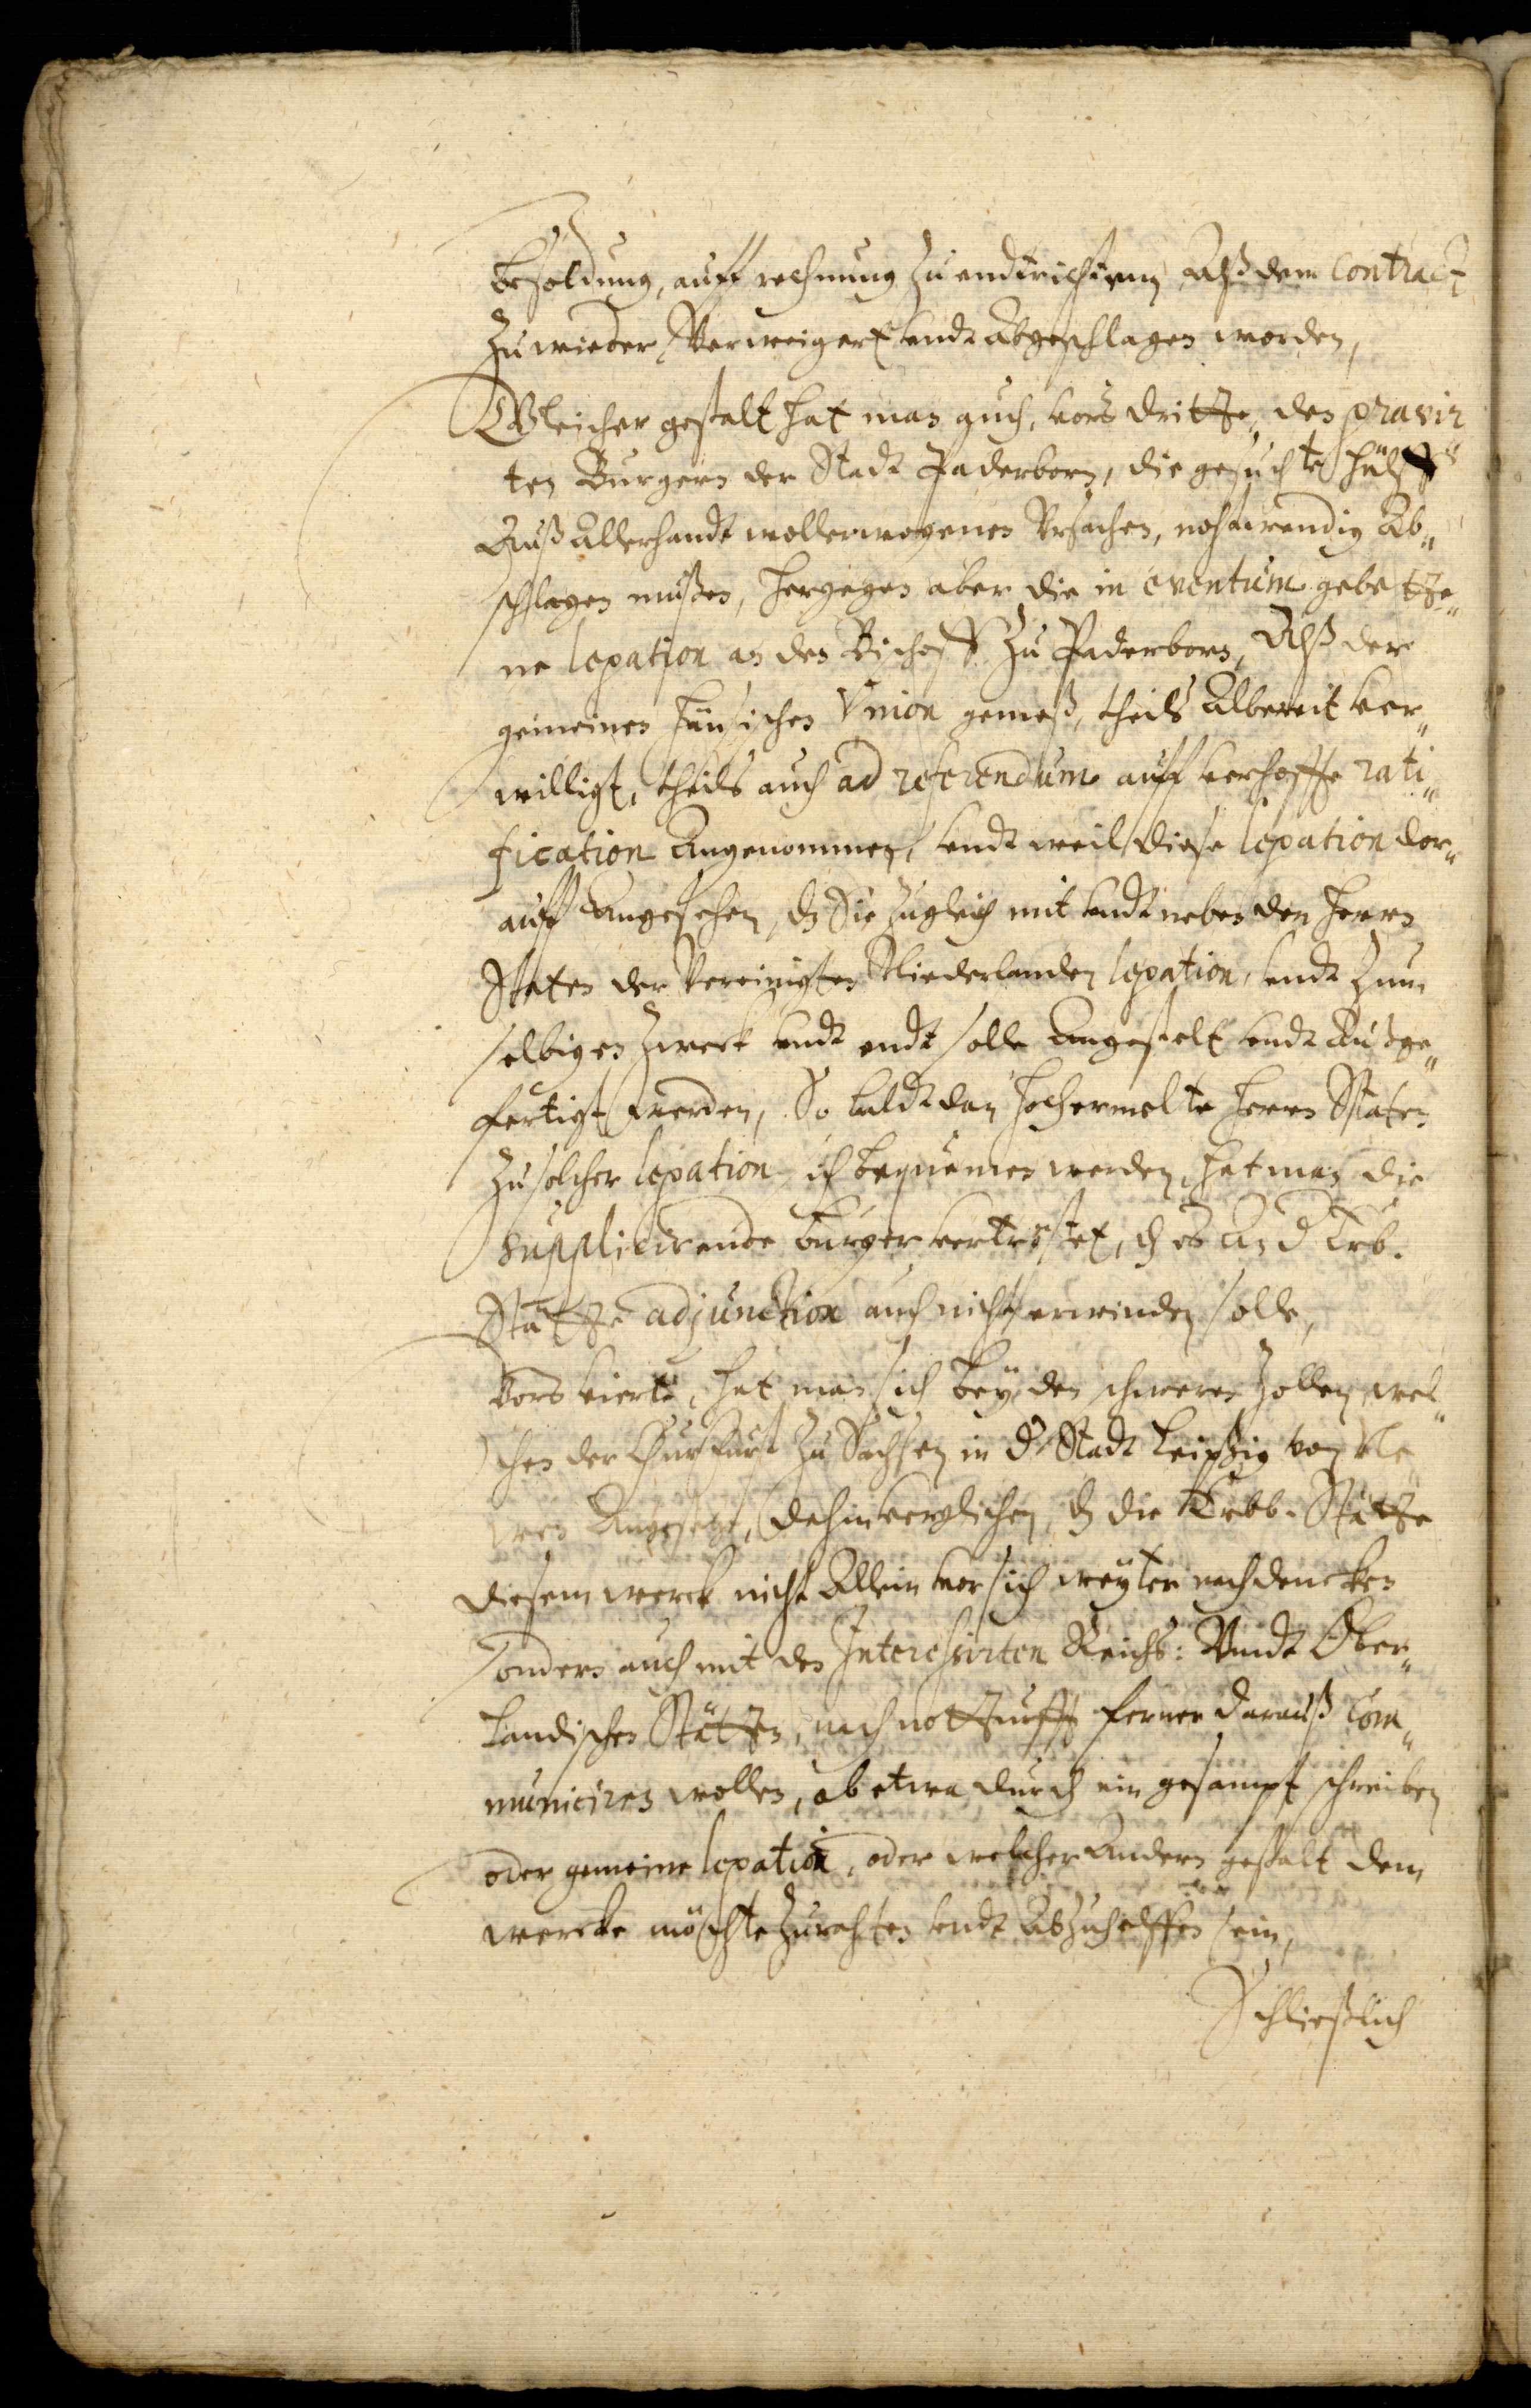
besoldung, auff rechnung zu endtrichtenn, alßdem Contract
zu wieder Verweigert vndt abgeschlagen worden,
Gleicher gestalt hat man auch, vors dritte, den gravir¬
ten Burgern der Stadt Paderborn, die gesuchte hülff
auß allerhandt wollerwogenen Vrsachen, nohtwendig ab¬
schlagen müßen, hergegen aber die in eventum gebette¬
ne Legation an den Bischoff zu Paderborn, Alß der
gemeinen hänsischen Vnion gemaß, theils Albereit ver¬
willigt, theils auch ad referendum auff verhoftte rati¬
fication angenommen, vndt weil diese Legation dor¬
auff angesehen, den Sie zugleich mit vndt herrn
Staten der Vereinigten Niederlanden legation, vndt zum
selbigen zweck vndt endt solle angestelt vndt außge¬
fertigt werden, So baldt dan hochermelte herrn Staten
Zu solcher legation sich bequemen werden, hat man die
supplicirende burger vertrostet, den es an der Erb.
Stätte adjunction auch nicht erwinden solle,
Vors vierte, hat man sich beij den schweren Zollen, wel¬
chen der Churfurst Zu Sachsen in dir Stadt Leipzig von Ne¬
wen Angesetzt, dahin verglichen, dz die Erbb. Stätte
diesem werck nicht Allein vor sich weijter nachdencken
sondern auch mit den Interessirten Reichs: Vndt Ober¬
landischen Stätten, nach notturfft ferner darauß Com¬
municiren wollen, ob etwa durch ein gesampt schreiben
oder gemeine legation, oder welcher Andern gestalt dem
wercke möchte Zurahten vndt AbZuhelffen sein,
Schließlich
